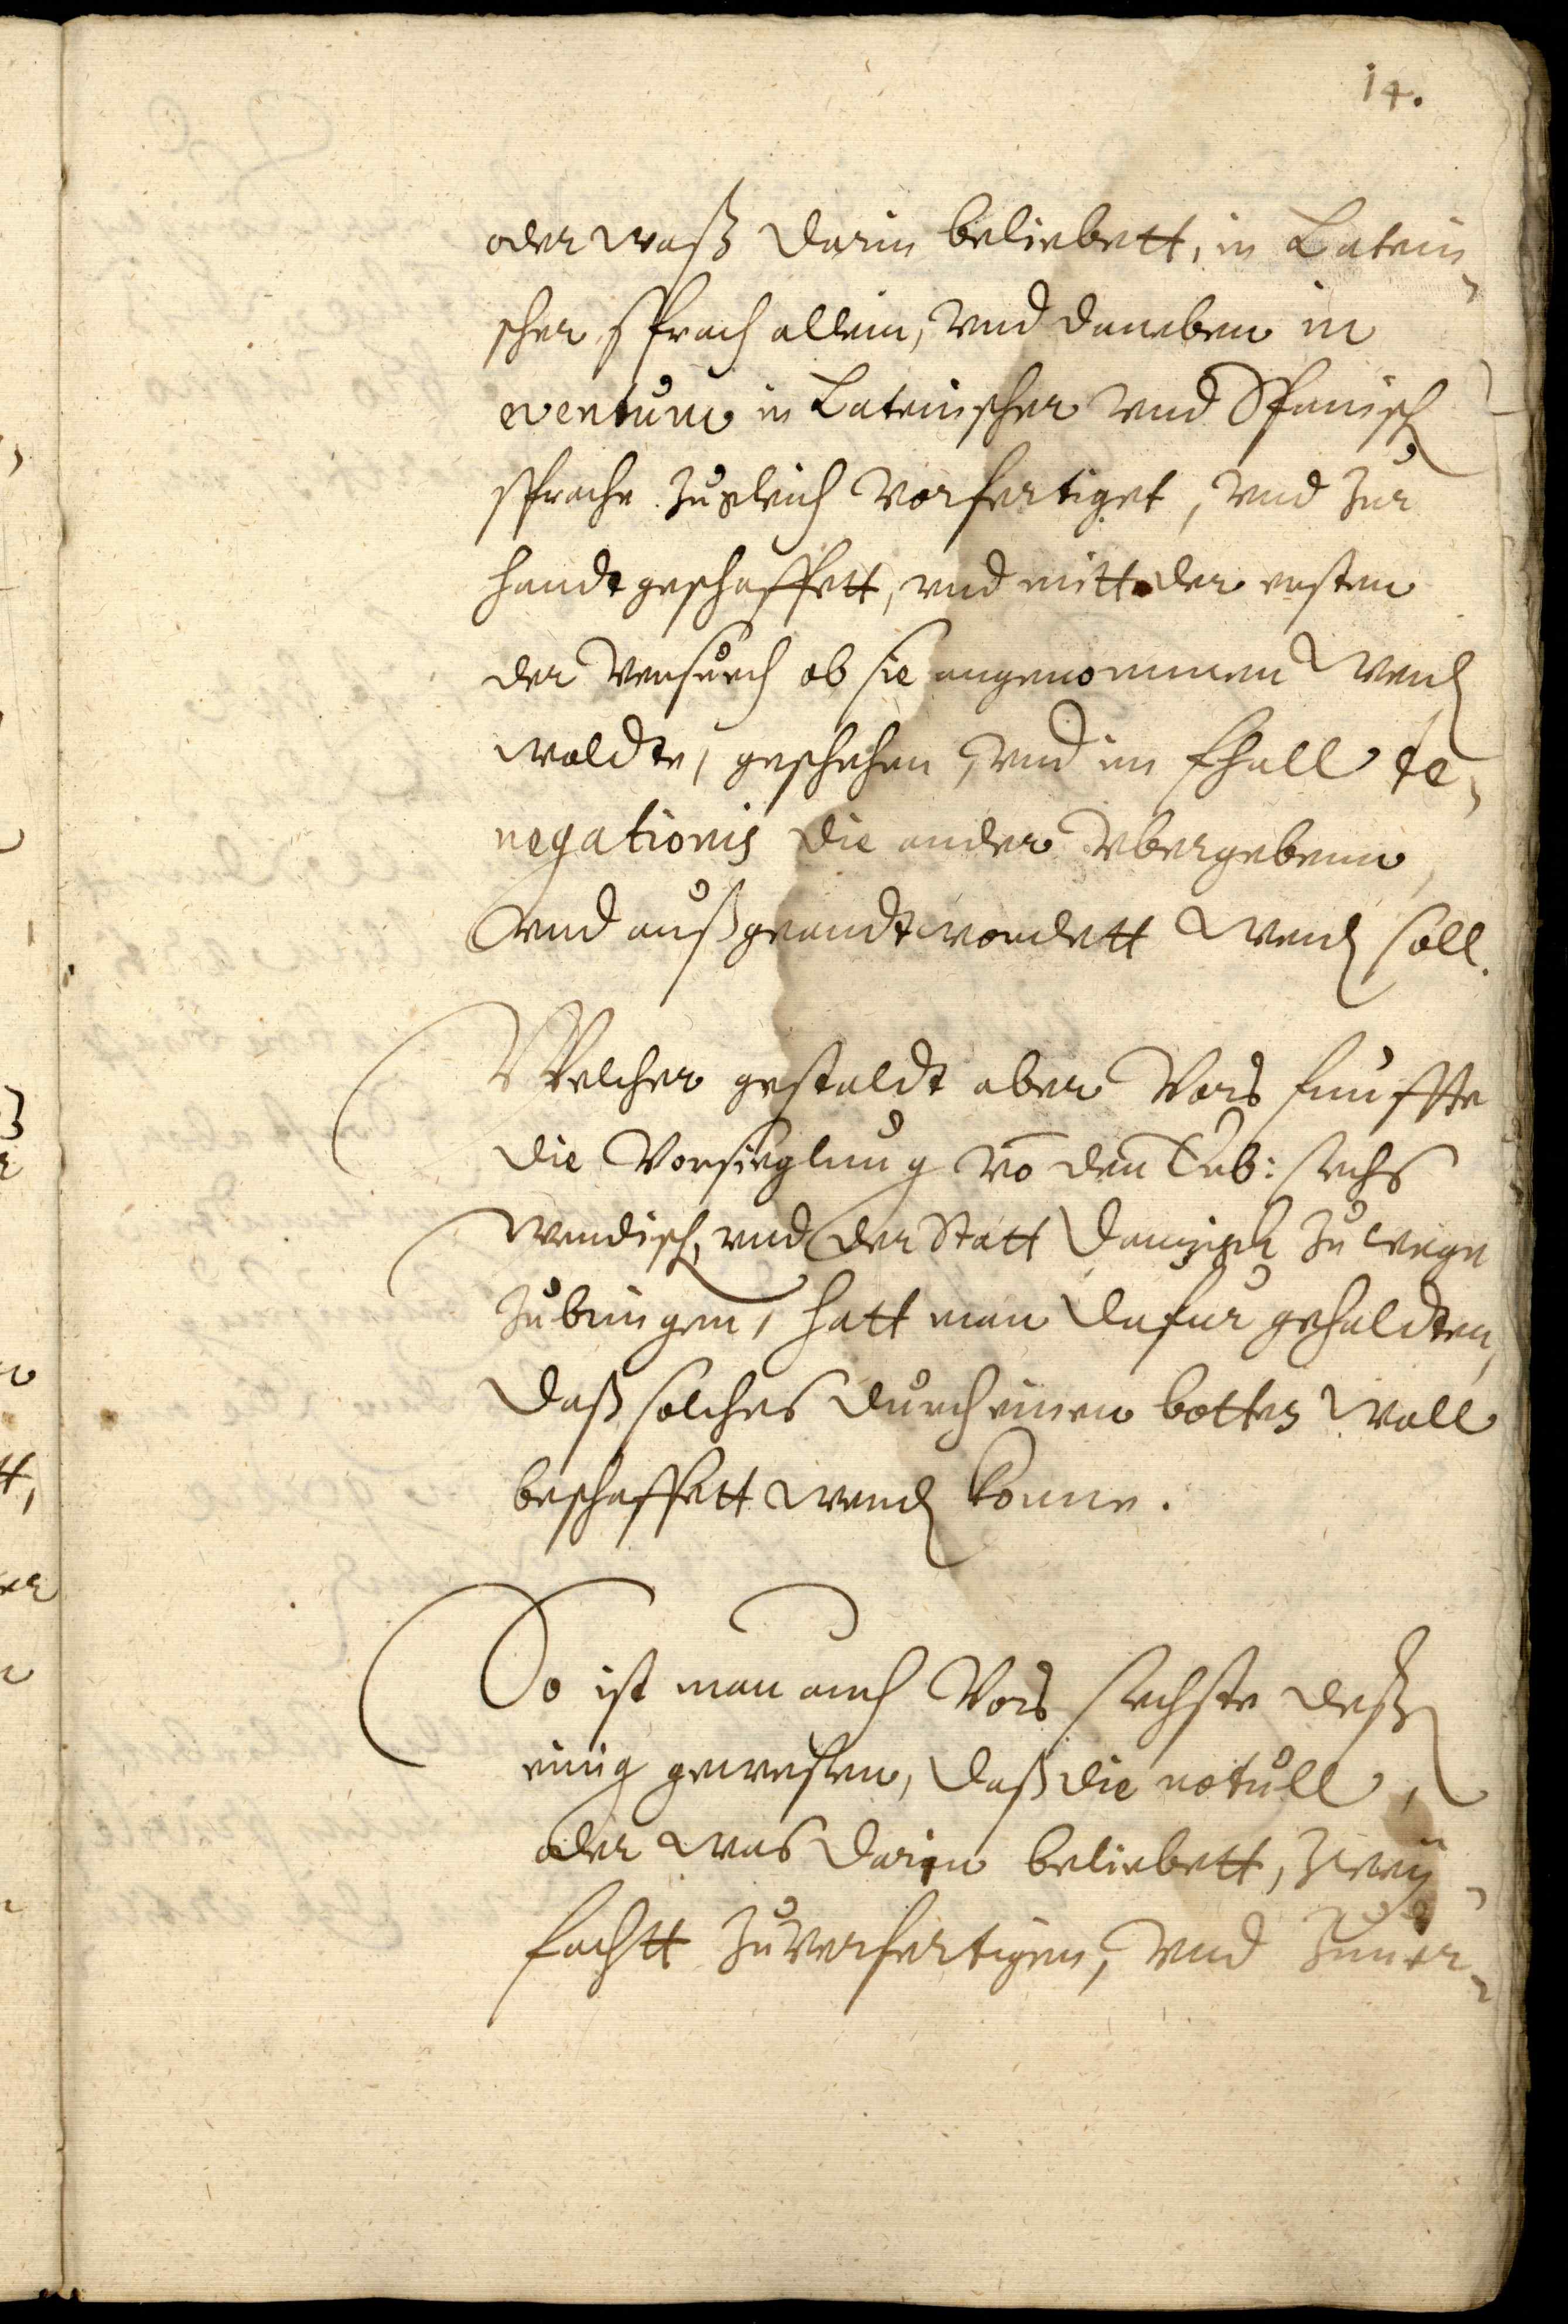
14.
oder waß darin beliebett, in Latein¬
scher Sprach allein, vnd daneben in
eventum in Lateinischer vnd Spanischer
Sprache zugleich vorfertiget, vnd zue
handt geschaffett, vnd mitt der ersten
der Versuech ob sie angenommen werden
woldte, geschehen, vnd im fhall de¬
negationis die ander Vbergebene
vnd außgeandtwordett werden soll.
Welcher gestaldt aber Vors funftte
die Vorsieglung von den Erb:sechs
wendischen, vnd der statt Dantzigk zu wege
zu bringen, hatt man dafur gehaldten,
daß solches durch einen botten woll
beschaffett werden konne.
So ist man auch vors sechste deßen
einig gewesen,daß die notull,
oder was darin beliebett, zweij¬
fachtt zu verfertigen,vnd zuuer¬
